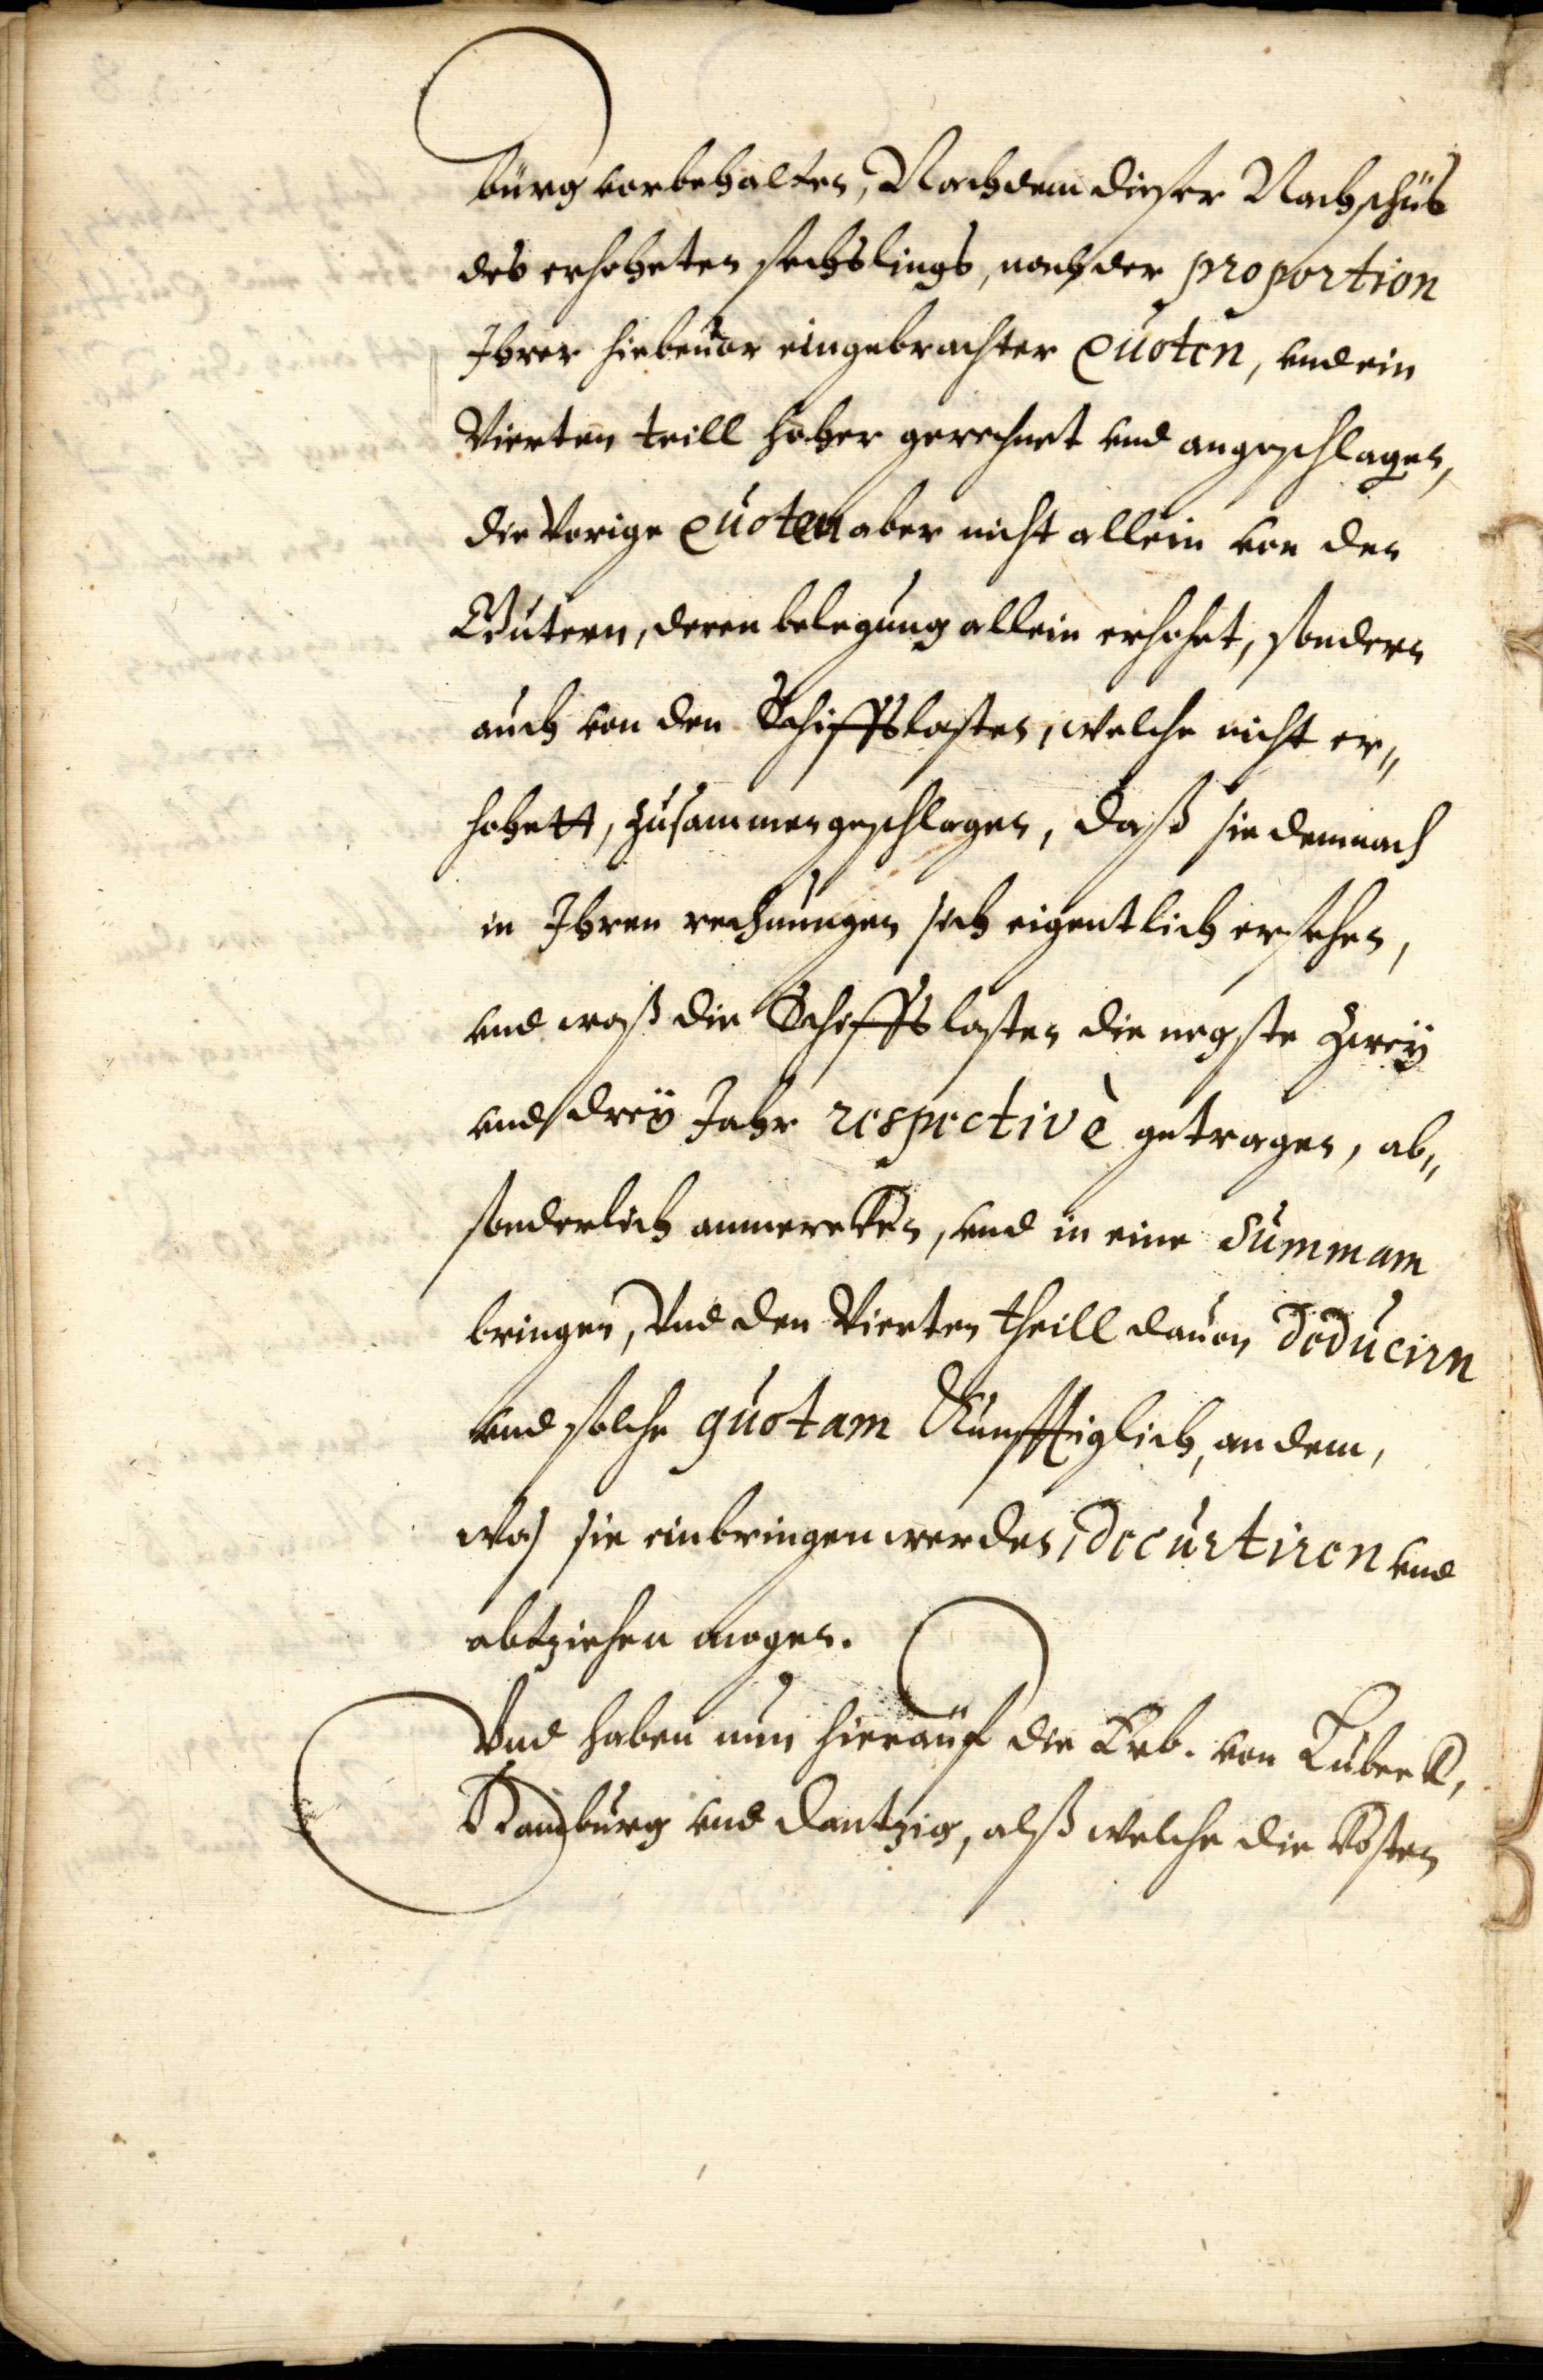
burg vorbehalten, Nachdem dieser Nachschus
des erhoheten sechslings, nach der proportion
Ihrer hiebeuor eingebrachter quoten, vnd ein
Vierten teill hoher gerechnet vnd angeschlagen,
die Vorige quoten aber nicht allein von den
Gutern, deren belegung allein erhohet, sondern
auch von den Schiffslasten, welche nicht er¬
hohett, zusammengeschlagen, daß sie demnach
in Ihren rechnungen sich eigentlich ersehen,
vnd waß die Schiffs lasten die negste Zweij
vnd dreij Jahr respective getragen, ab¬
sonderlich anmercken, vnd in eine Summam
bringen, Vnd den Vierten theill dauon deducirn
vnd solche quotam Kunfftiglich, an dem,
was sie einbringen werden, decurtiren vnd
abtziehen mogen.
Vnd haben nun hierauf die Erb. von Lubeck,
Hamburg vnd Dantzig, alß welche die kosten
